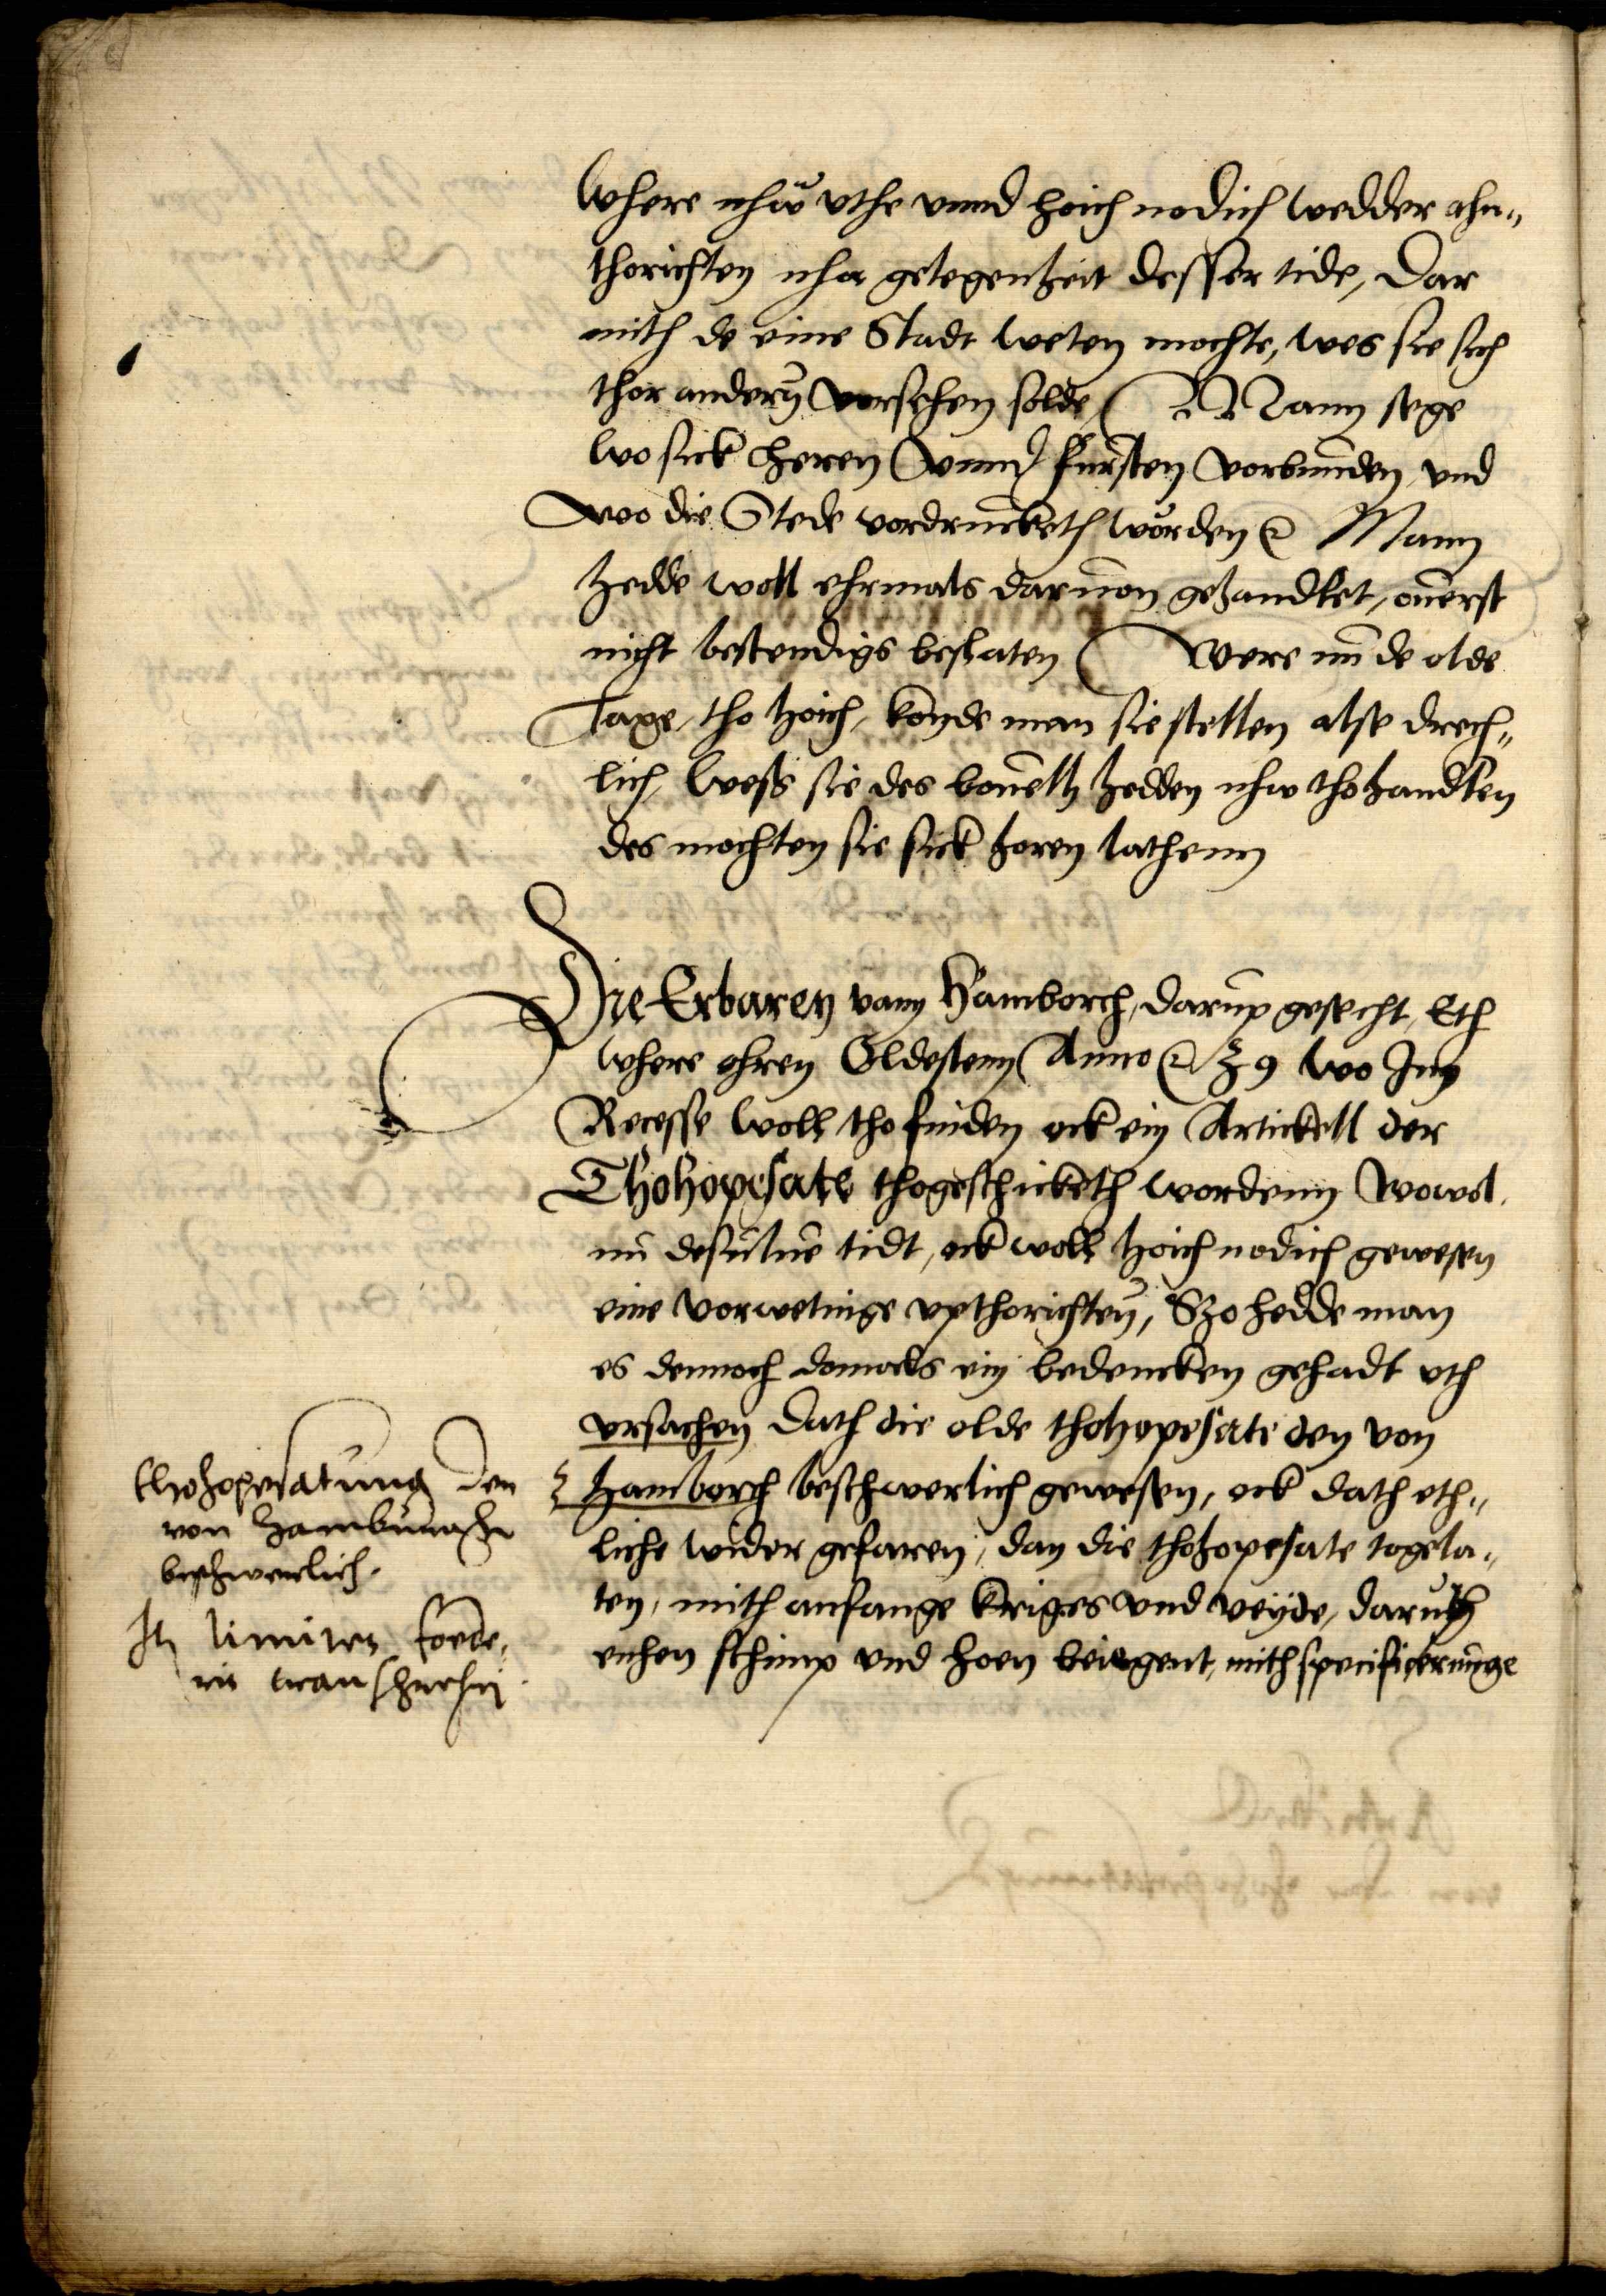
where nhw vthe vnnd hoich nodich wedder ahn¬
thorichten nha gelegenheit desser tide, Dar
mith de eine Stadt weten mochte, wes sie sich
thor andern vorsehen solde, Mann sege
wo sick heren vnnd fursten vorbinden, vnd
wo die Stede vordrucketh worden etc Mann
Hedde woll ehrmals daruon gehandlet, ouerst
nicht bestendigs beslaten Wers nu de olde
Tage, tho hoich, konde man sie stellen alse drech¬
lich wess sie des beuelh hedden nhw tho handlen
des mochten sie sick horen lathenn
Die Erbaren vann Hamborch, darup gesecht, Eth
where ohren Oldesten Anno etc 39 wo Inn
Recesse woll tho finden ock ein Artickell der
Thohopesate thogeschicketh wordenn wowol
nu desulue tidt, ock woll hoich nodich gewesen
eine vorwetinge vpthorichten, Szo hedde man
es dennoch damals ein bedencken gehadt vth
vrsachen dath die olde thohopesate den von
Hamborch beschwerlich gewesen, ock dath eth¬
liche wider gefaren, dan die thohopesate togela¬
ten, mith anfange Kriges vnd veyde, daruth
enhen schimp vnd hoen beiegent, mith specificerunge
thohopesatung den
von Hamburch
beschwerlich.
Item limiten foede
ris transchrehin
